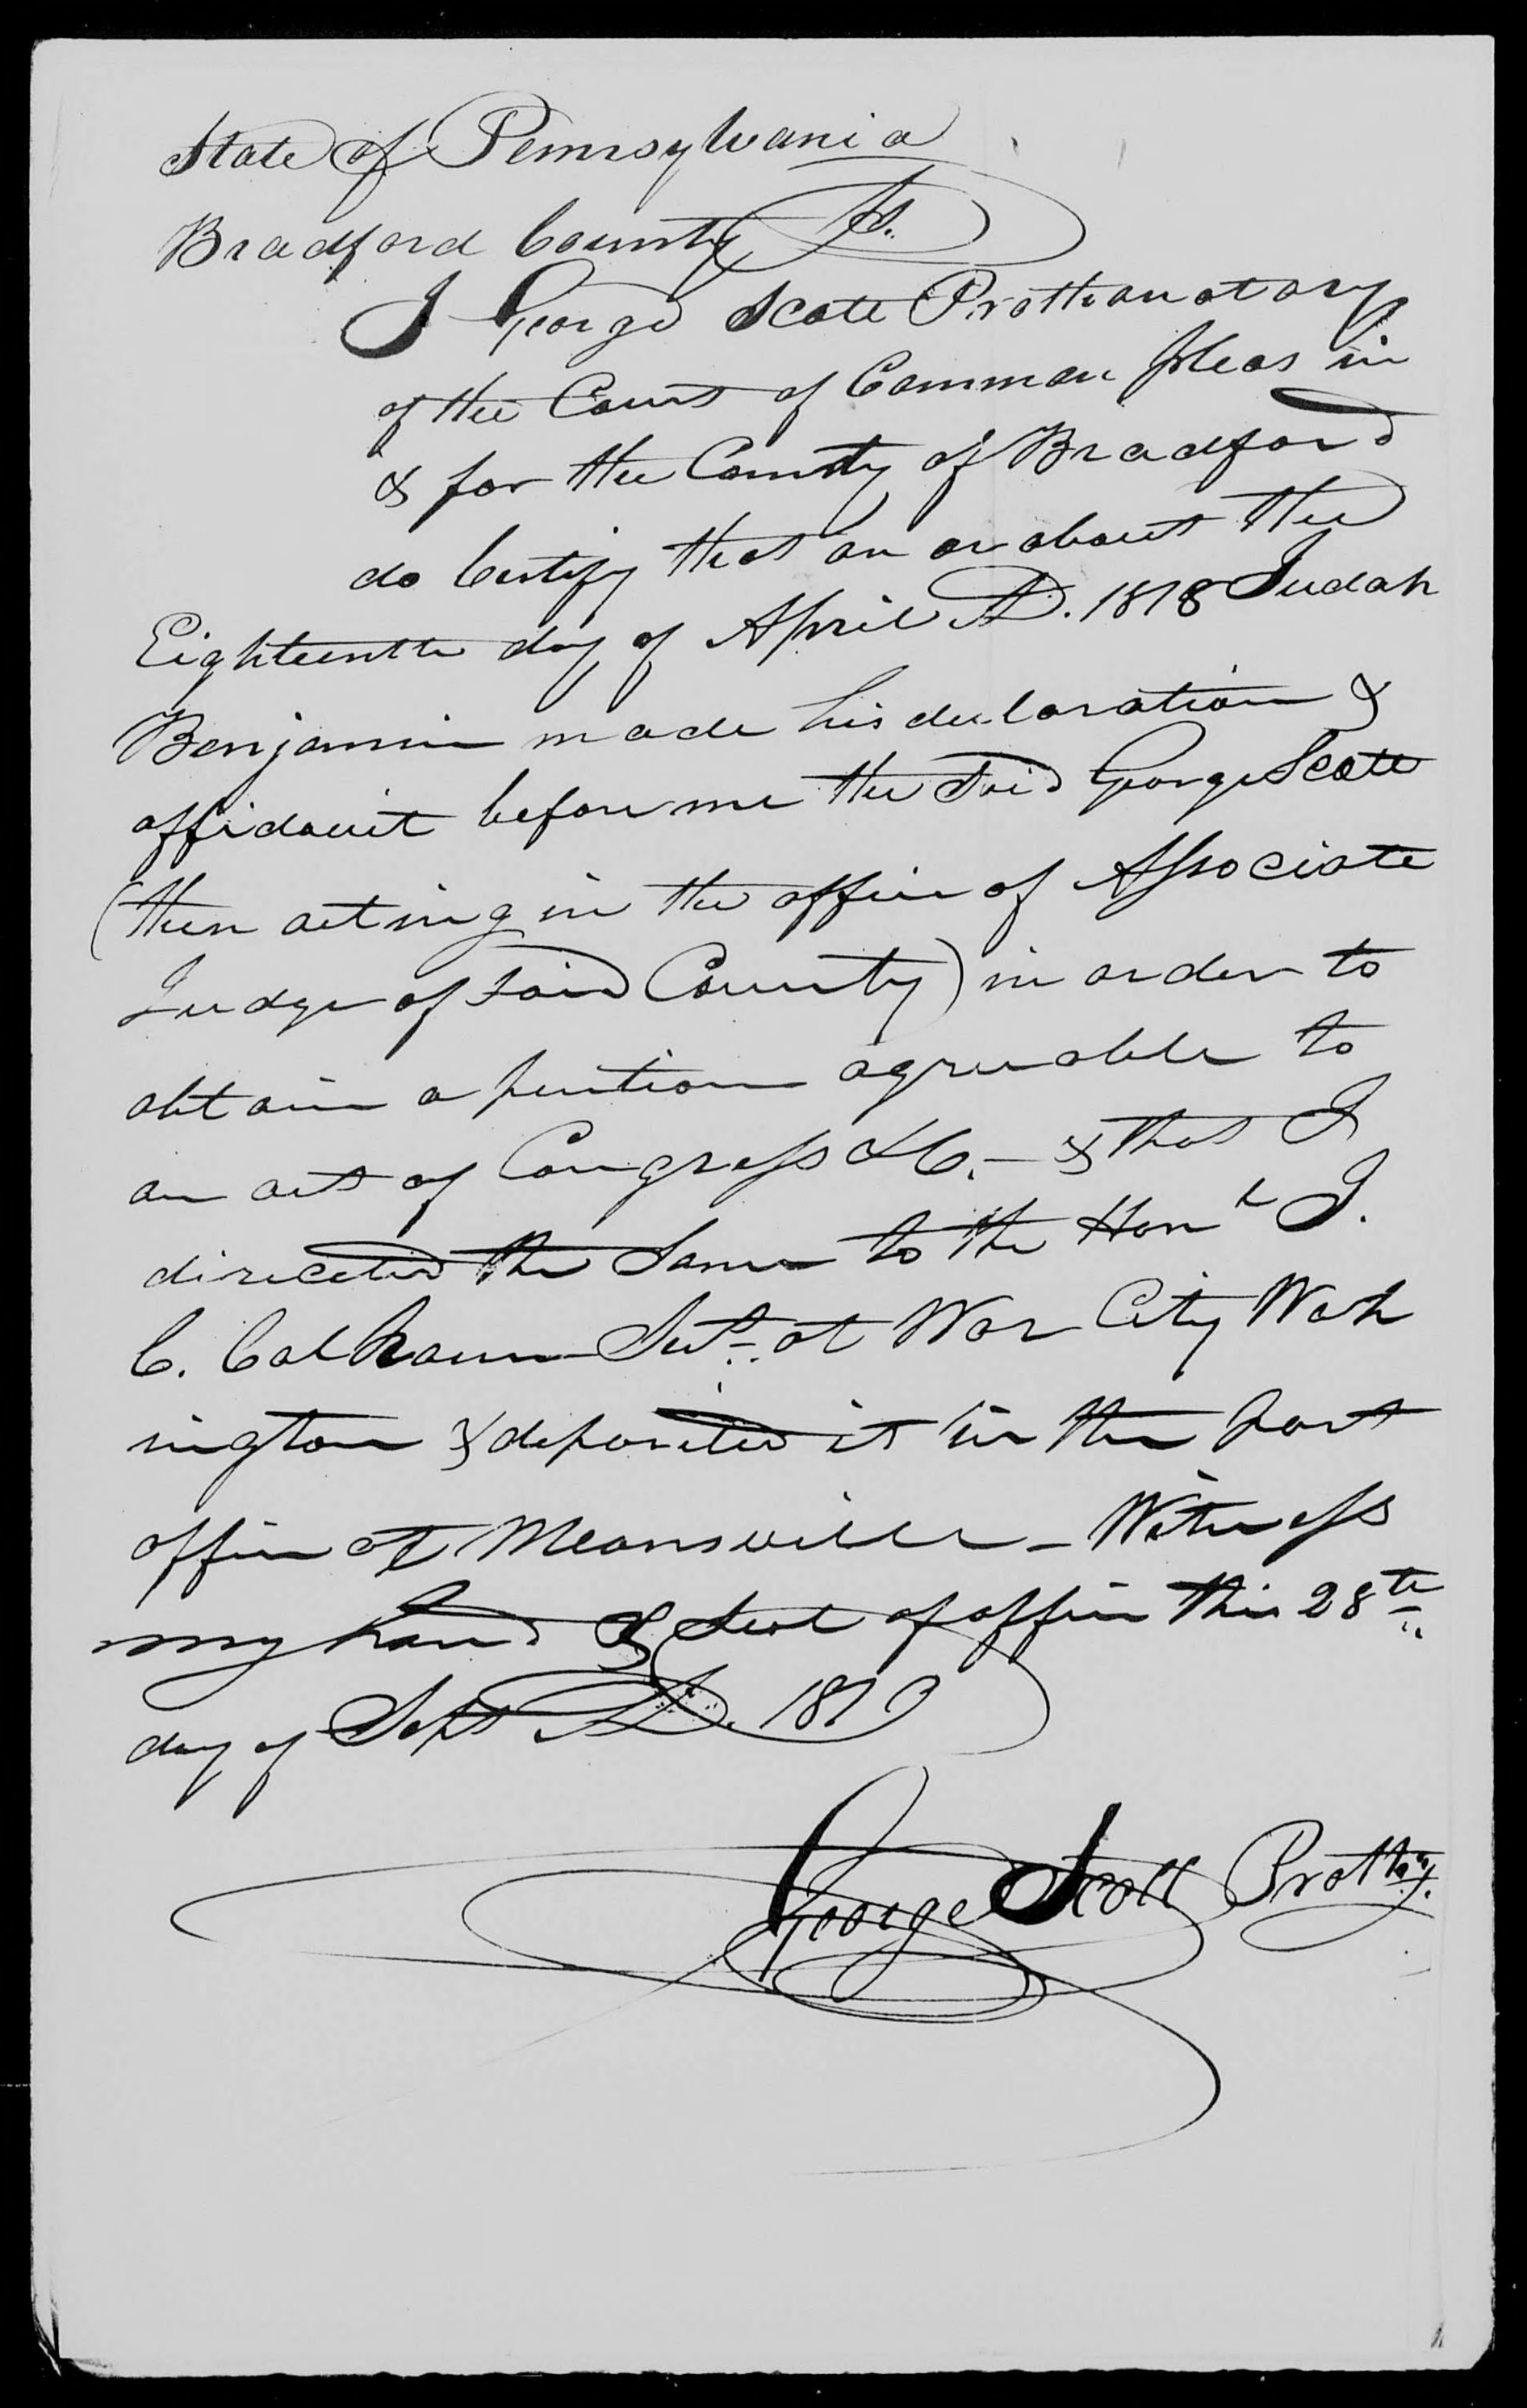State of Pennsylvania
Bradford County ss.
I George Scott Prothonotary of the Court of Common pleas in & for the County of Bradford do certify that on or about the  Eighteenth day of April AD 1818 Judah Benjamin made his declaration & affidavit before me the said George Scott (then acting in the office of Associate Judge of said County) in order to obtain a pention [pension] agreeable to an act of Congress &c. & that I directed the same to the Hon J.C. Calhoun Sect at War City Washington & deposited it in the post office of Meansville.  Witness my hand & seal of office this 28th day of Sept AD 1819
[signed] George Scott Prothy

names: Judah Benjamin, George Scott, George Scott, George Scott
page: 17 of 34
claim: survivor's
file: S. 39981, Judah Benjamin, Continental (N. H. And N. Y.)